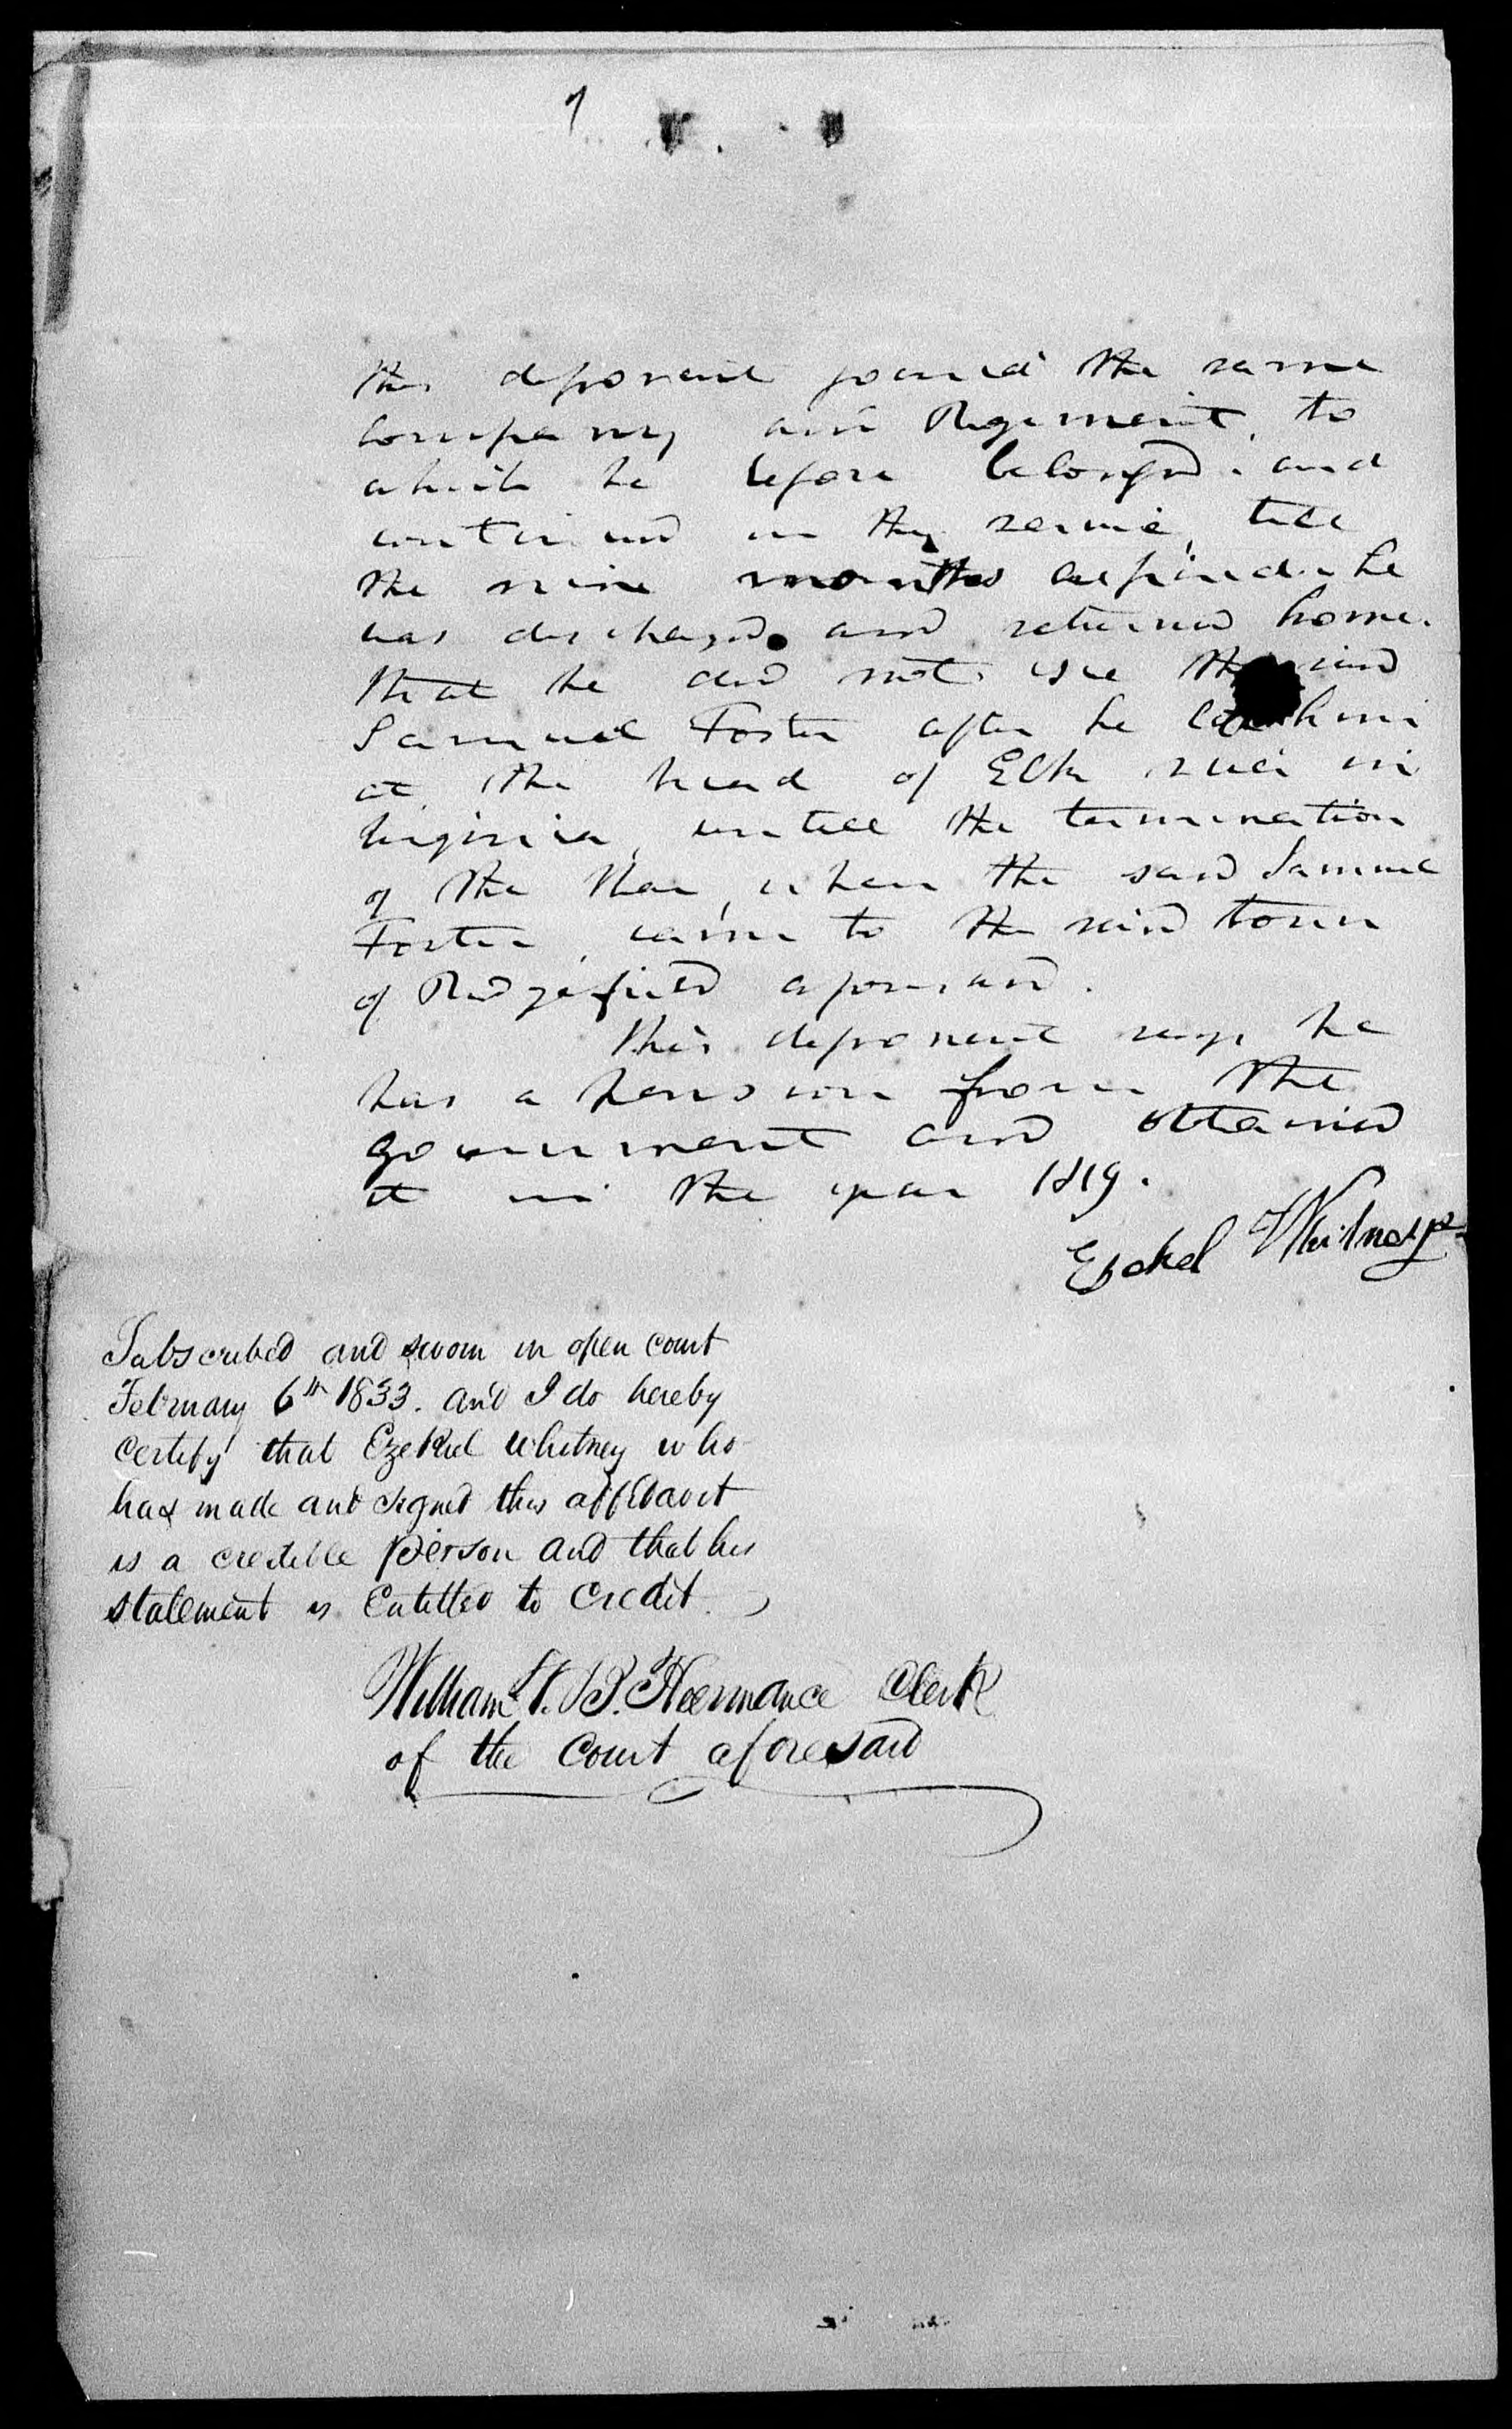7
this deponent joined the same Company and Regiment to which he before belonged and continued in the service till the nine months expired. he was discharge and returned home. that he did not see the said Samuel Foster after he left him at the head of Elk river in Virginia untill the termination of the War, when the said Samuel Foster came to the said town of Ridgefield aforesaid. this deponent says he has a pension from the government and obtained it in the year 1819.
[signed] Ezekel Whitney
Subscribed and sworn in open court February 6th 1833. and I do hereby certify that Ezekiel Whitney who has made and Signed this affidavit is a credible person and that his statement is Entitled to credit.
[signed] William F. B. Heermance Clerk of the Court aforesaid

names: Ezekiel Whitney, Samuel Foster, William F B Heermance, Samuel Foster, Ezekel Whitney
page: 38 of 54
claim: survivor's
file: S. 13,043, Samuel Foster, Conn.